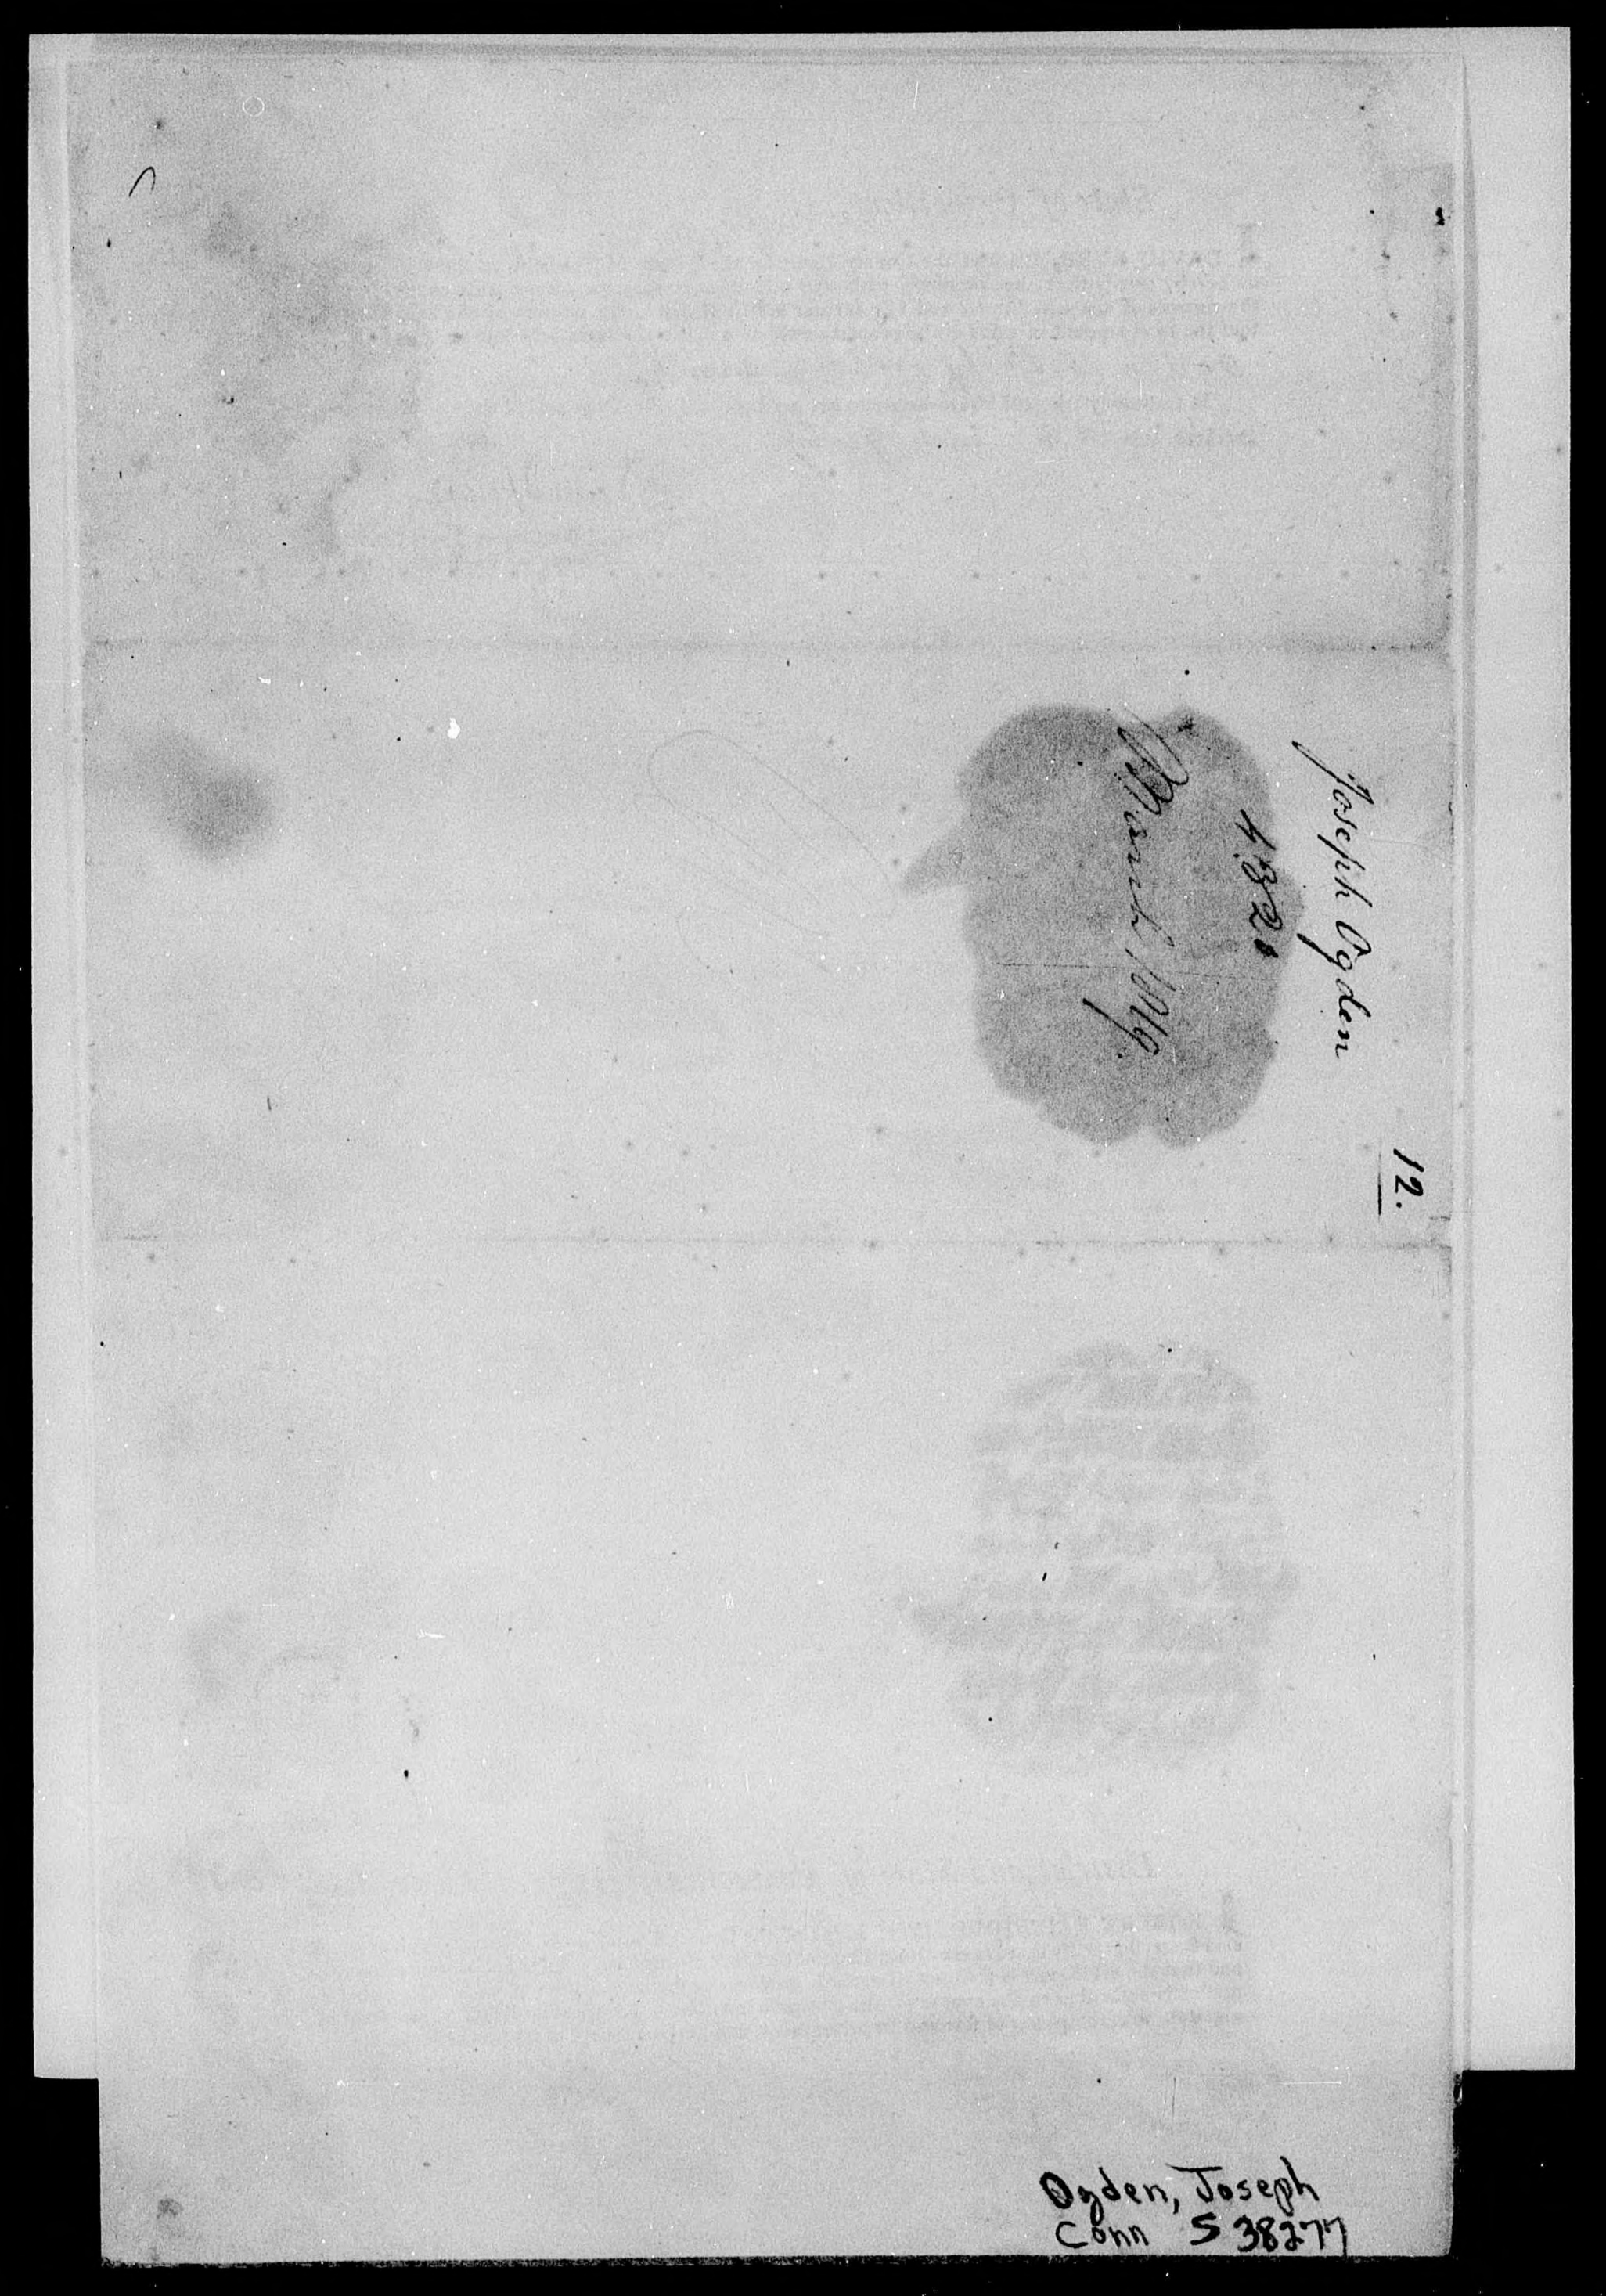12.
Joseph Ogden
4.320
March 1819
Ogden, Joseph
Conn S 38277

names: Joseph Ogden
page: 6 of 15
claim: survivor's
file: S. 38,277, for Joseph Ogden, Connecticut